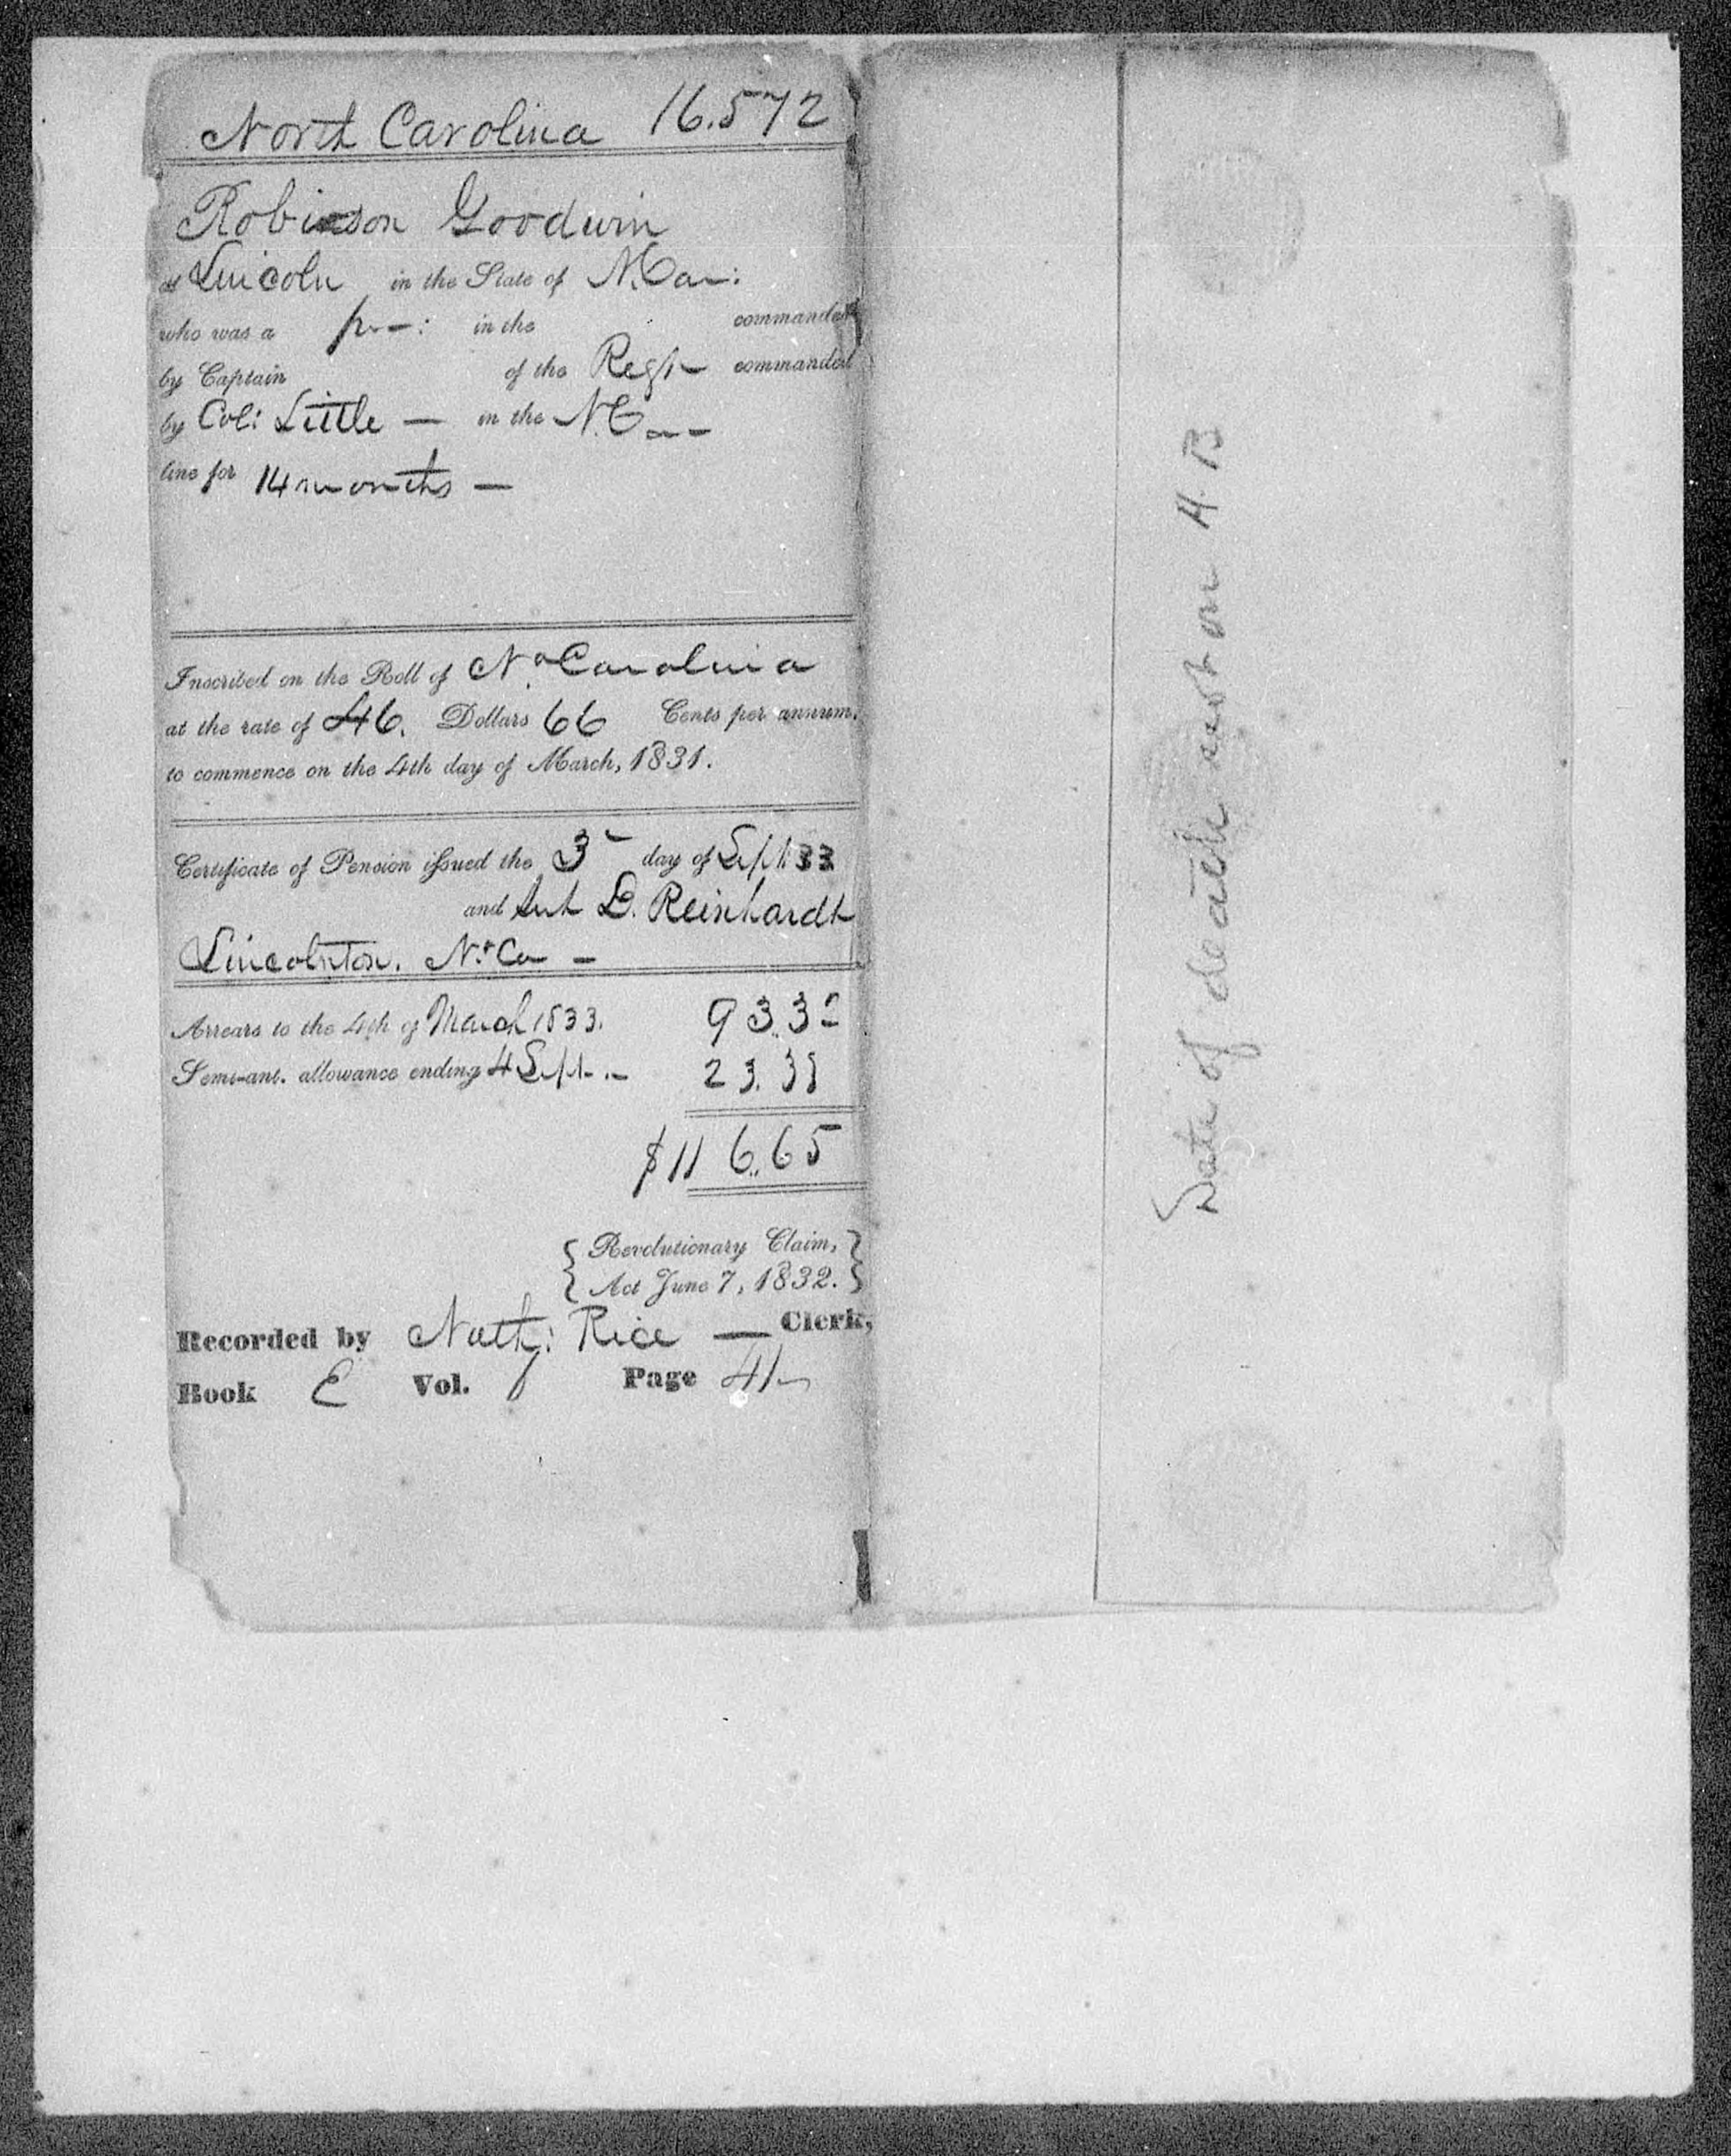North Carolina 16.572

Robison Goodwin a Lincoln[?] in the State of N. Car; who was a pri in the [blank] commanded by Captain [blank] of the Regi commanded by Col: Little - in the V.G. line for 14 months-

Inscribed on the Roll of N. Carolina at the rate of 46 Dollars 66 Cents epr answer to commence on the 4th day of March 1834.

Certificate of Pension issued the 3- day of Sept. 33 and [illegible] B. Reinhardt
Livedton, N. Ca

Assets to the 4th of March 1853 93.32
Pen-ant allowance ending 4 Sept [illegible] 23.33

$116.65

{Revolutionary Claim, Act June 7, 1832}

Recorded by Nath. Rice -Clerk
Book 8[?] Vol. 6 Page 41

Sate[?] of death cert on H. 13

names: B Reinhardt, Nath Rice, Little, Robinson Goodwin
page: 2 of 16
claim: survivor's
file: S. 6,894, Robison Goodwin, N.C.